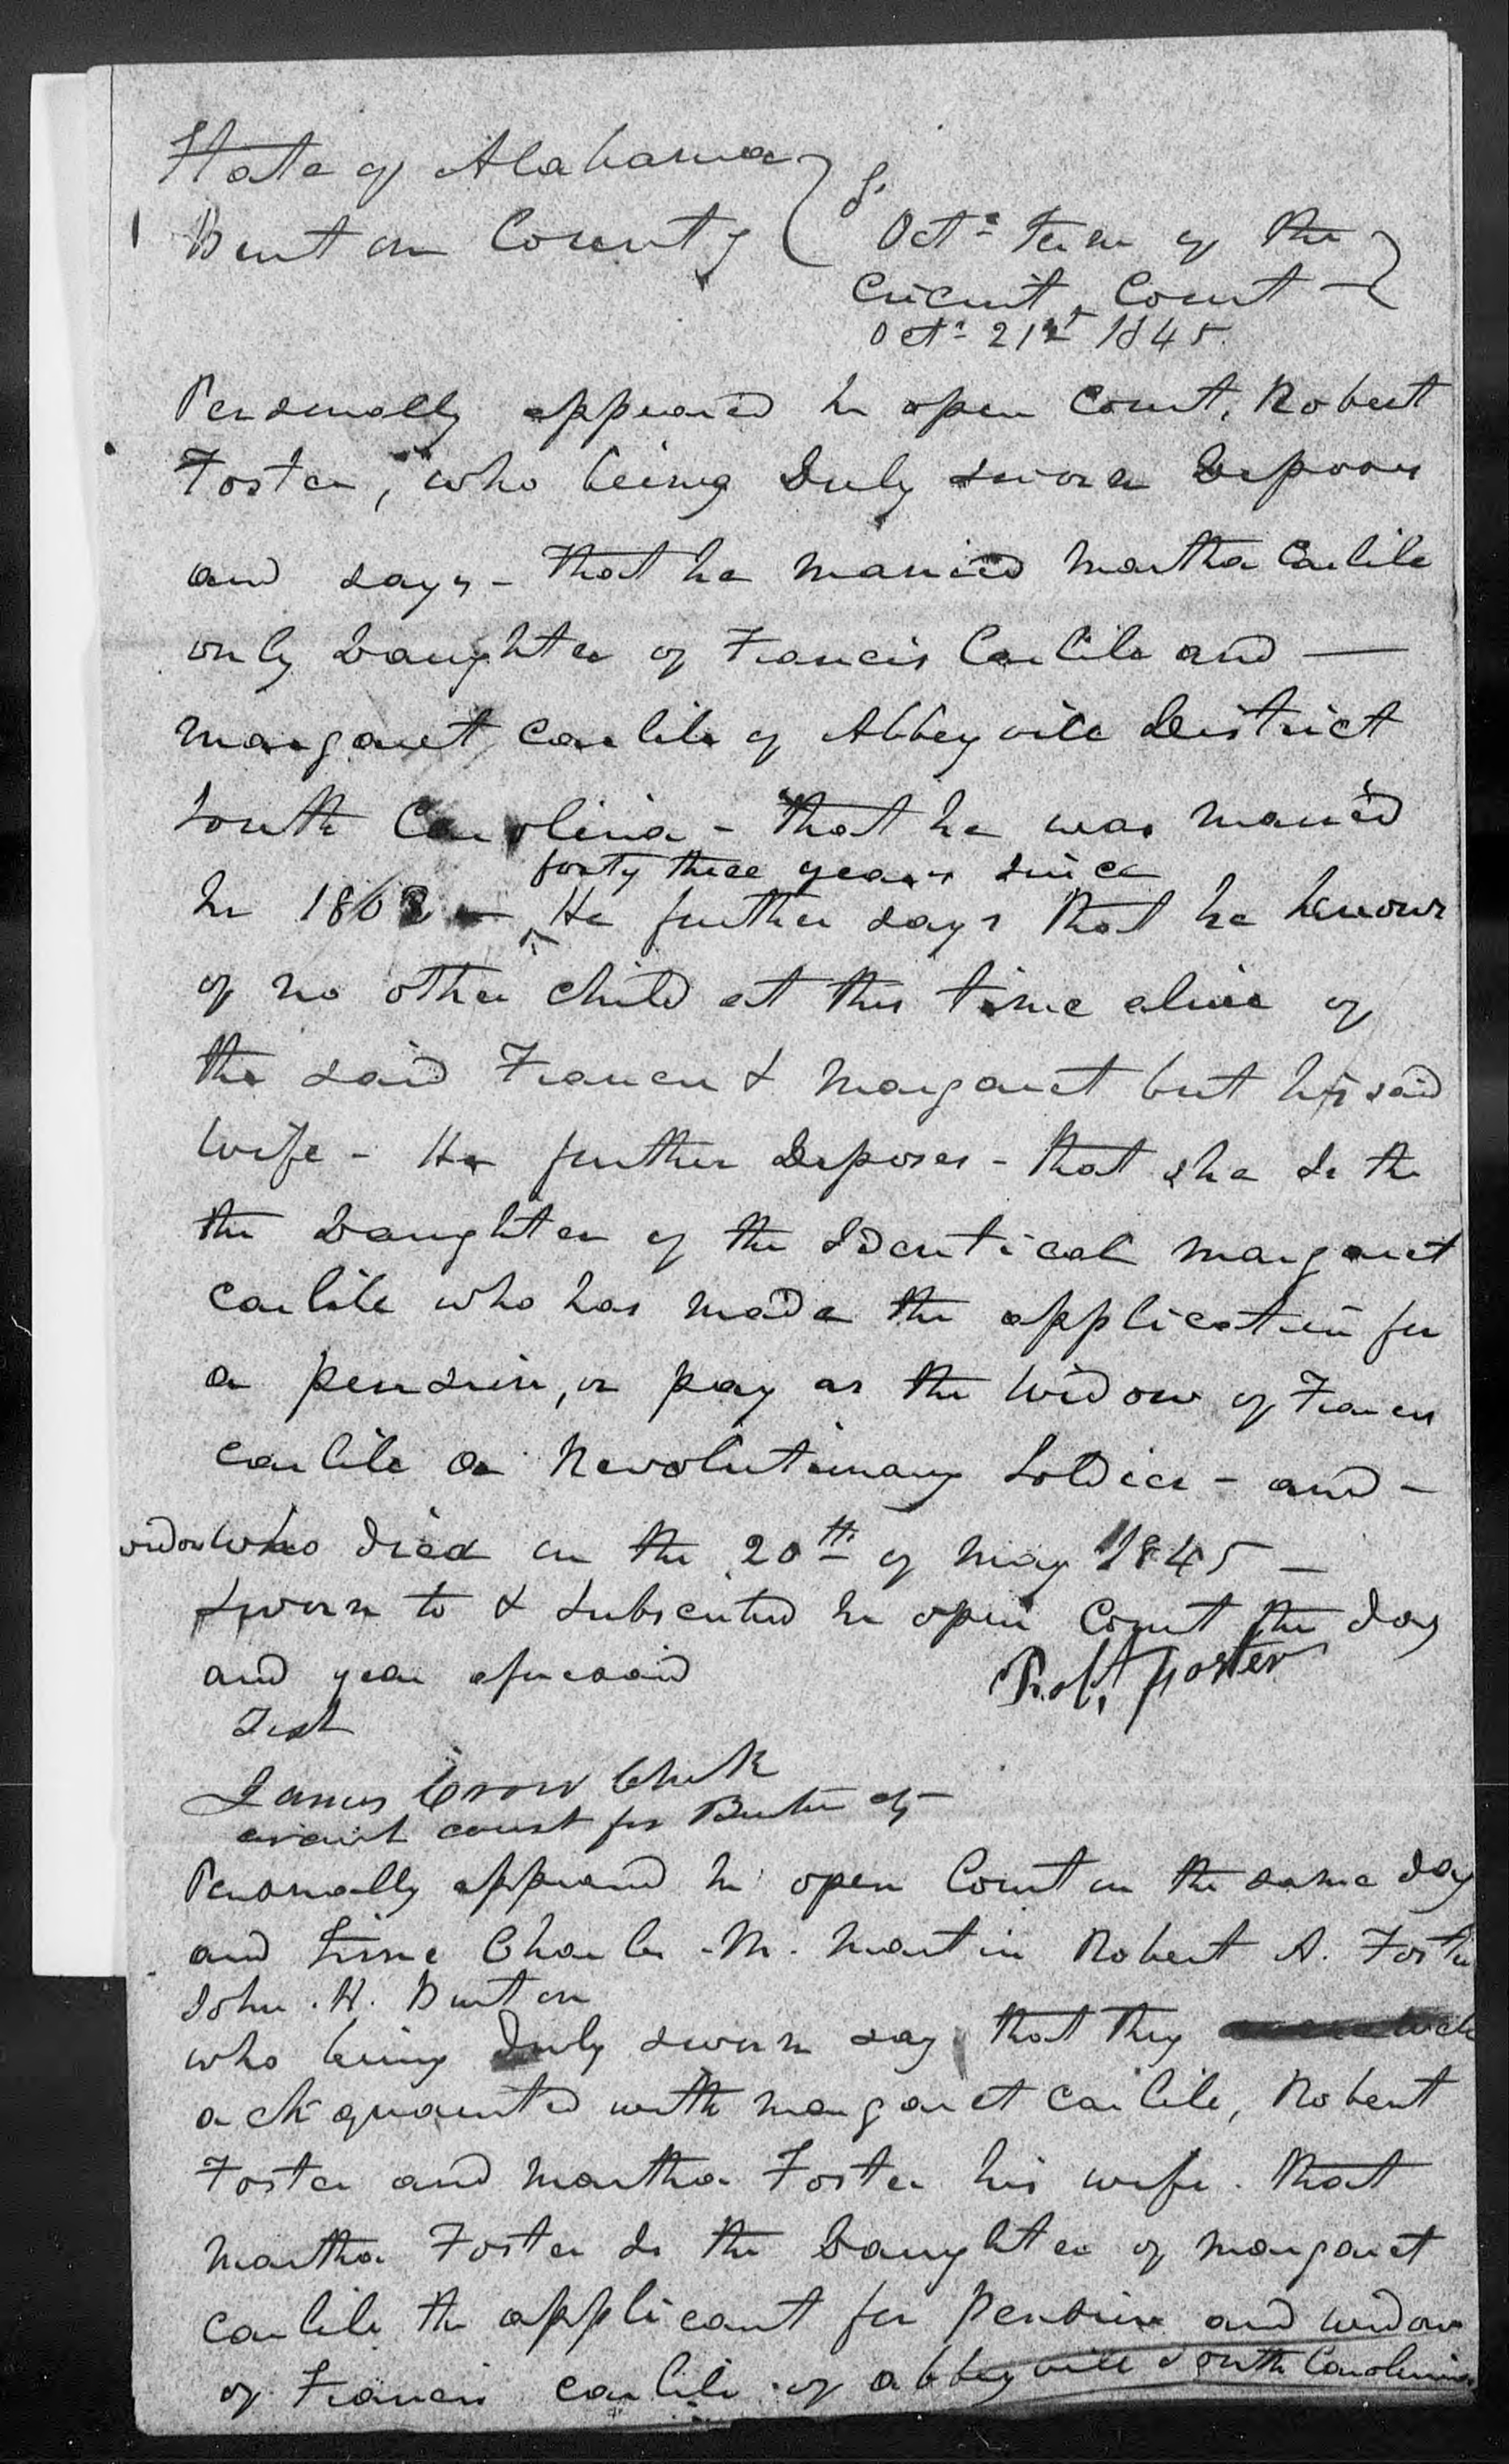State of Alabama Benton County
Oct term of the Circuit Court
Oct 21st 1845.
Personally appeared in open Court, Robert Foster, who being duly sworn deposes and says that he married martha Carlile only Daughter of Francis Carlile and Margaret Carlile of Abbeville District South Carolina- that he was married in 1802 forty three years since.  He further say that he knows of no other child at this time alive of the said Francis & Margaret but his said wife - He further depose-- that she is the Daughter of the Identical Margaret Carlile who has made the application for a pension, or pay as the widow of Francis Carlile
a Revolutionary Soldier and who has
died on the 20th of July 1845
s/ Robt Foster
Sworn to & Subscribed in open Court the day and year aforesaid
test James Crow Clk circuit court for Burke Cty
Personally appeared in open Court in the same day and time Charles M. Martin, Robert A. Foster, 
John H. Burton who being duly sworn say that they acquainted with Margaret Carlile, Robert Foster and Martha Foster his wife that
Martha Foster is the Daughter of Margaret Carlile the applicant for pension and widow of Francis Carlile of Abbeville South Carolina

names: Robert Foster, Margaret Carlile, Francis Carlile, Robert Foster, Martha Foster, Margaret, Robt Foster, Francis Carlile, Charles M Martin, Margaret Carlile, Margaret Carlile, Martha Carlile, Francis Carlile, Margaret Carlile, Francis, Robert A Foster, John H Burton, Martha Foster, James Crow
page: 42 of 91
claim: widow's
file: W. 10576, Francis Carlisle, S.C.